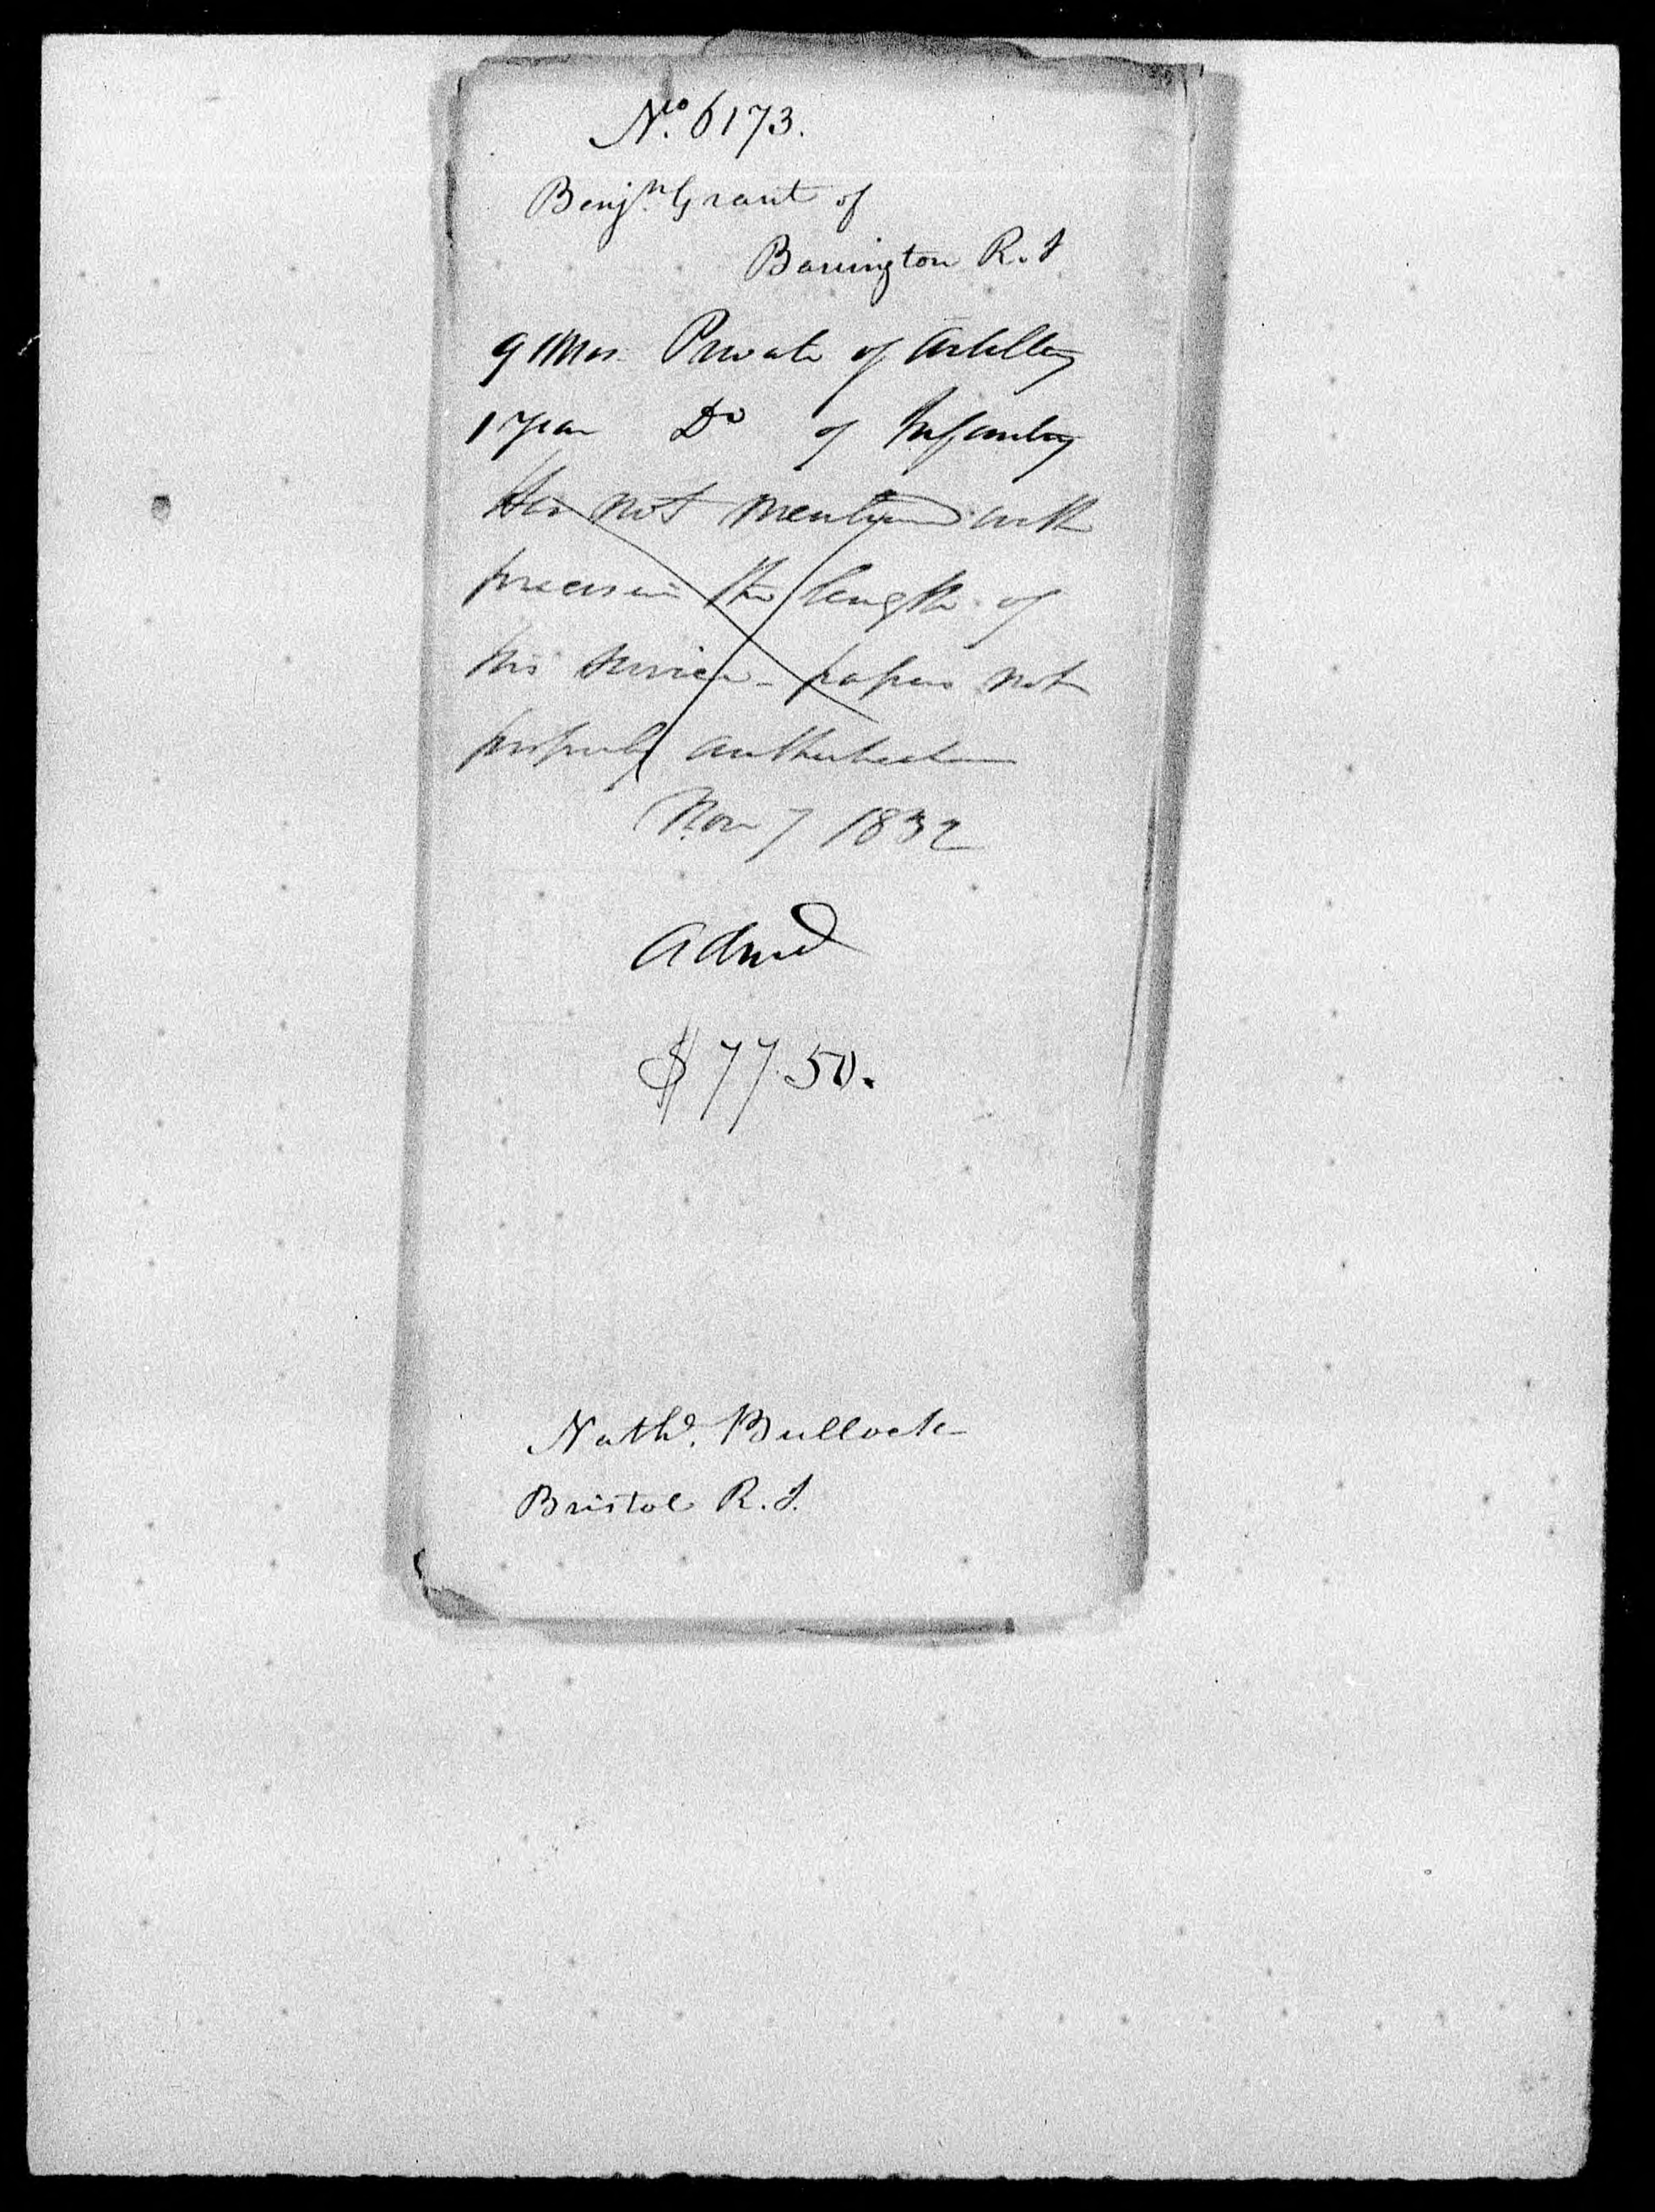No. 6173.

Benjn Grant of Barrington R.I.

9 Mos. Private of Artillery
1 Year Do [private] of Infantry

["Has not mentioned with precision the length of his service - papers not properly authenticated
Nov 7 1832" crossed out]

Admd
$77.50

Nathl. Bullock
Bristol R.I.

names: Nathl Bullock, Benjn Grant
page: 6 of 21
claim: survivor's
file: S. 17,446, Benjamin Grant, R.I.